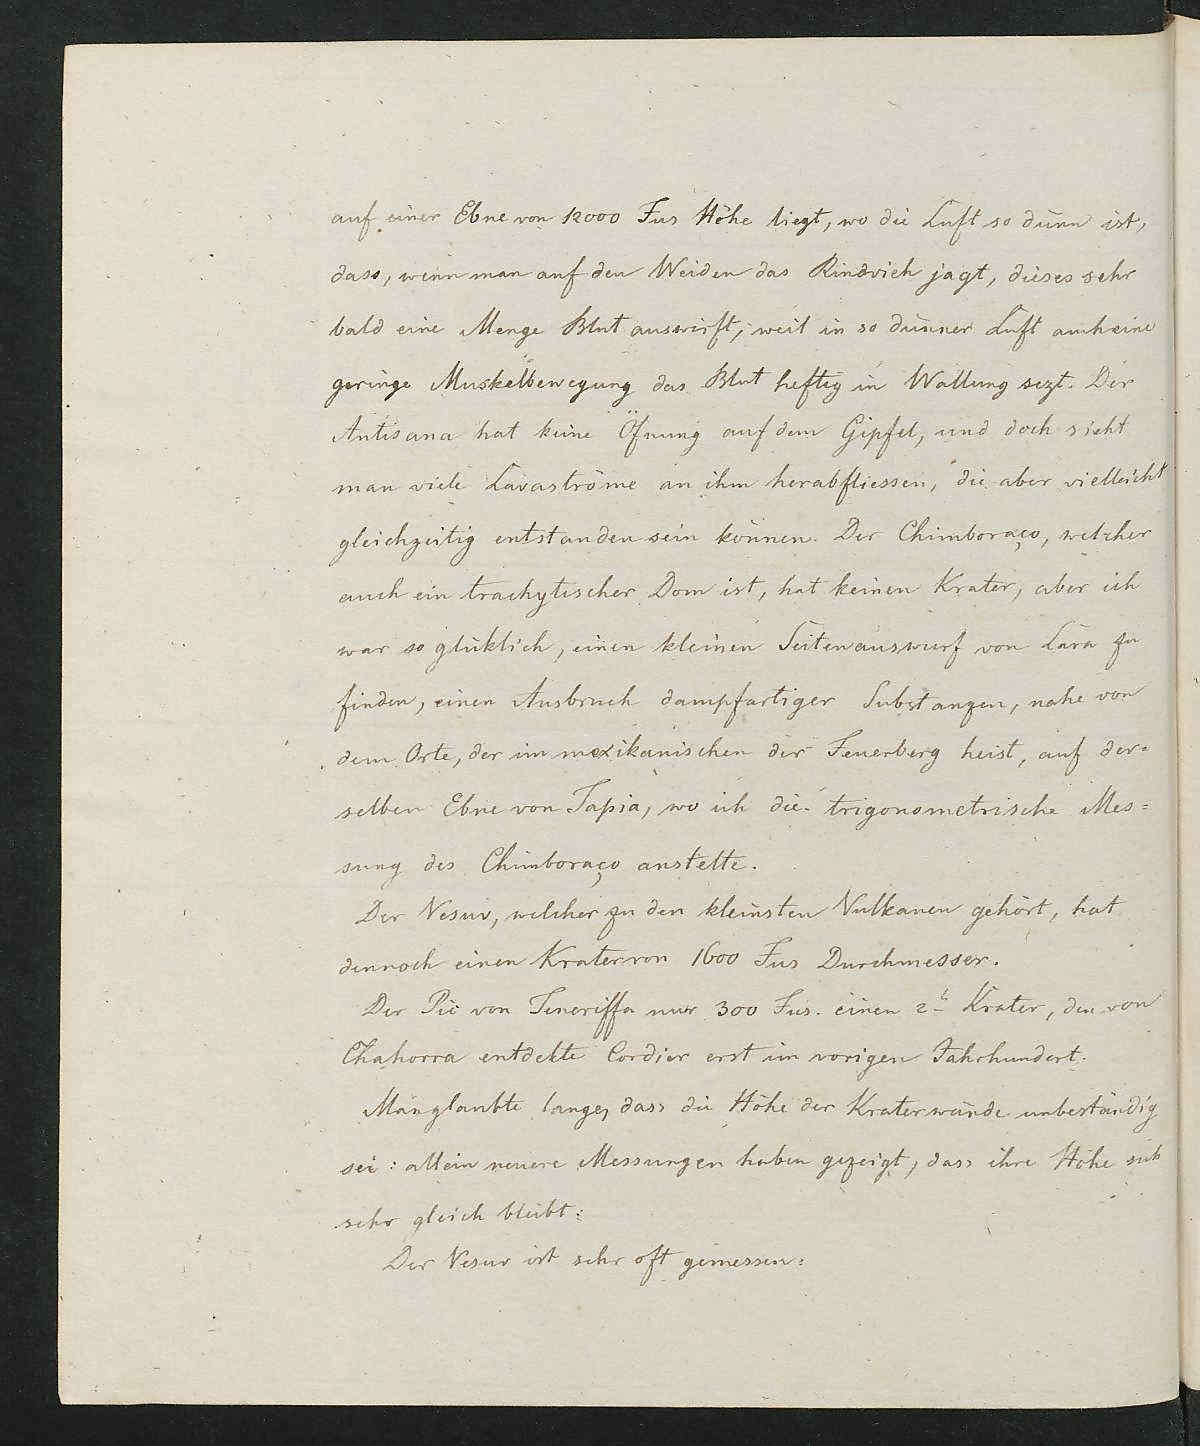auf einer Ebne von 12000 Fus Höhe liegt, wo die Luft so dünn ist,
dass, wenn man auf den Weiden das Rindvieh jagt, dieses sehr
bald eine Menge Blut auswirft, weil in so dünner Luft auch eine
geringe Muskelbewegung das Blut heftig in Wallung sezt. Der
Antisana hat keine Öfnung auf dem Gipfel, und doch sieht
man viele Lavaströme an ihm herabfliessen, die aber vielleicht
gleichzeitig entstanden sein können. Der Chimboraço, welcher
auch ein trachytischer Dom ist, hat keinen Krater, aber ich
war so glücklich, einen kleinen Seitenauswurf von Lava zu
finden, einen Ausbruch dampfartiger Substanzen, nahe von
dem Orte, der im mexikanischen der Feuerberg heist, auf der-
selben Ebne von Tapia, wo ich die trigonometrische Mes-
sung des Chimboraço anstelte.
Der Vesuv, welcher zu den kleinsten Vulkanen gehört, hat
dennoch einen Krater von 1600 Fus Durchmesser.
Der Pic von Teneriffa nur 300 Fus. 2￼ Krater, den von
Chahorra entdekte Cordier erst im vorigen Jahrhundert.
Man glaubte lange, dass die Höhe der Kraterwände unbeständig
sei: allein neuere Messungen haben gezeigt, dass ihre Höhe sich
sehr gleich bleibt:
Der Vesuv ist sehr oft gemessen: